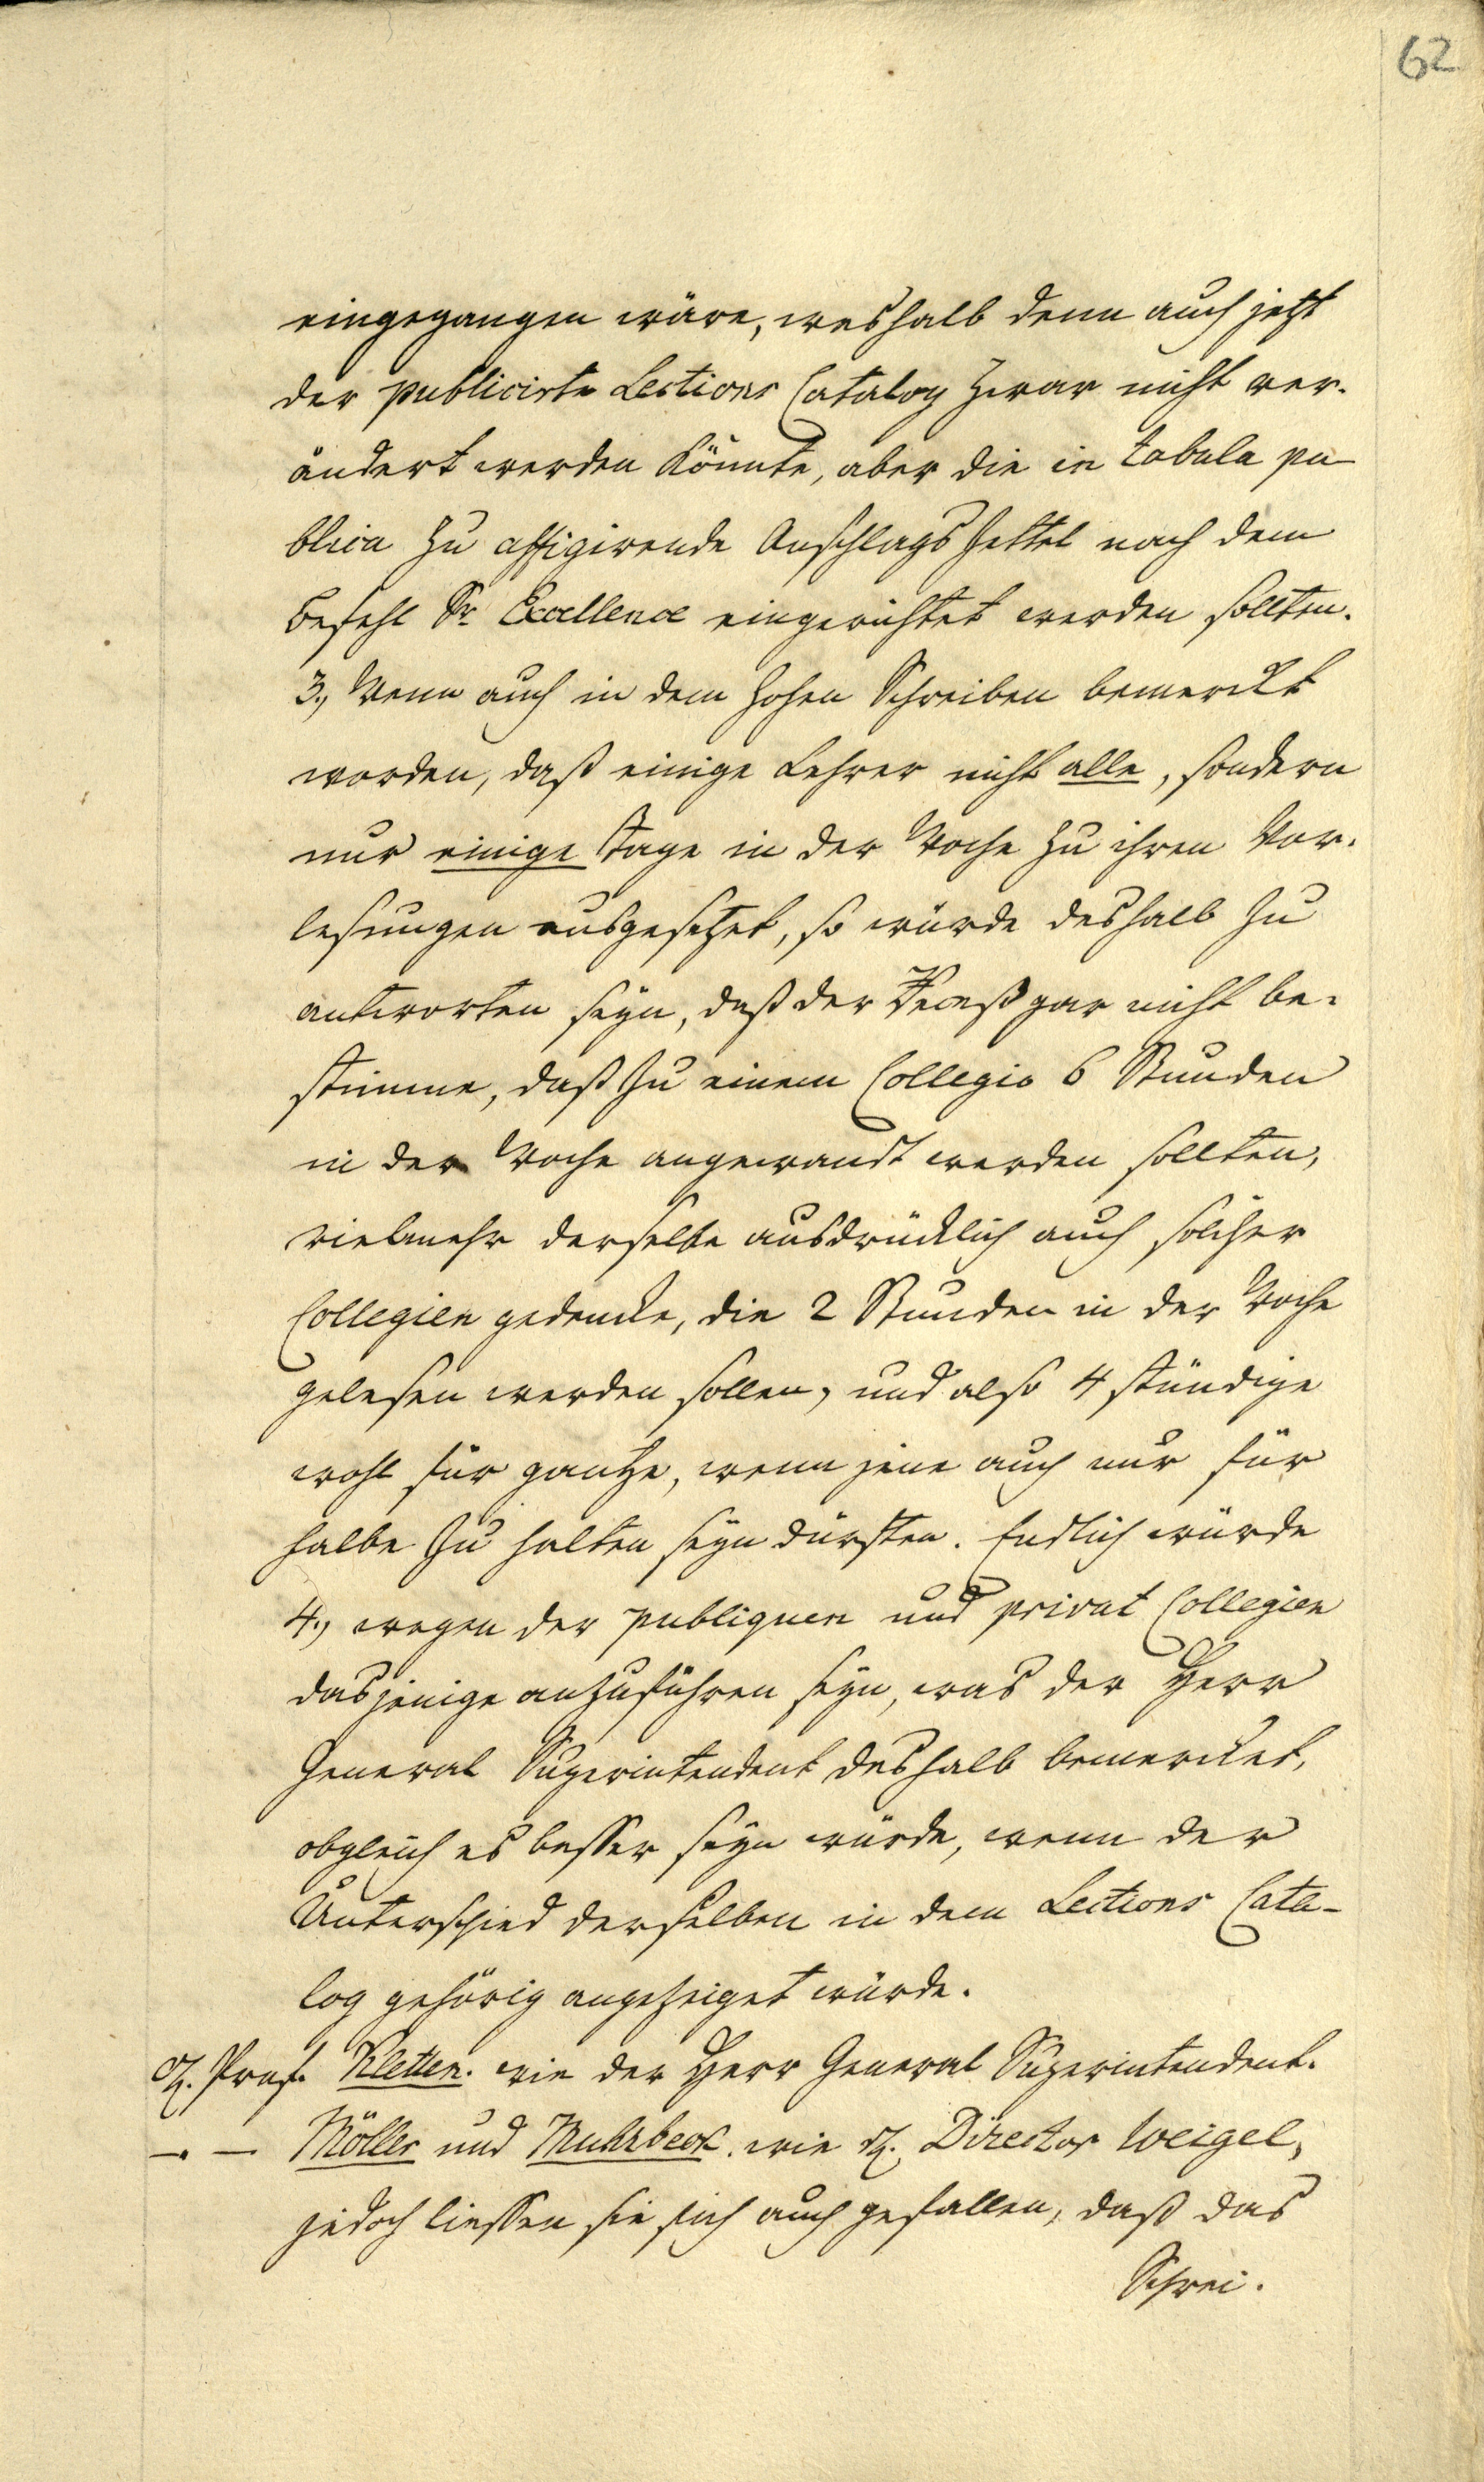eingegangen wäre, weshalb denn auch jetzt
der publicirte Lections Catalog zwar nicht ver¬
ändert werden könnte, aber die in tabula pu¬
blica zu affigirende Anschlags Zettel nach dem
Befehl Sr Excellence eingerichtet werden sollten.
3, Wenn auch in dem hohen Schreiben bemerckt
worden, daß einige Lehrer nicht alle, sondern
nur einige Tage in der Wache zu ihren Vor¬
lesungen ausgesetzet, so würde deshalb zu
antworten seÿn, daß der Receß gar nicht be¬
stimme, daß zu einem Collegio 6 Stunden
in der Woche angewandt werden sollten,
vielmehr derselbe ausdrücklich auch solcher
Collegien gedencke, die 2 Stunden in der Woche
gelesen werden sollen, und also 4 stündige
wohl für gantze, wenn jene auch nur für
halbe zu halten seÿn dürften. Endlich würde
4., wegen der publiquen und privat Collegien
dasjenige anzuführen seÿn, was der Herr
General Superintendent deshalb bemercket,
obgleich es besser seÿn würde, wenn der
Unterschied derselben in dem Lections Cata¬
log gehörig angezeiget würde.
dh Prof. Kletten. wie der Herr General Superintendent.
Möller und Muhrbeck wie dh. Director Weigel,
jedoch liessen sie sich auch gefallen, daß das
Schrei.